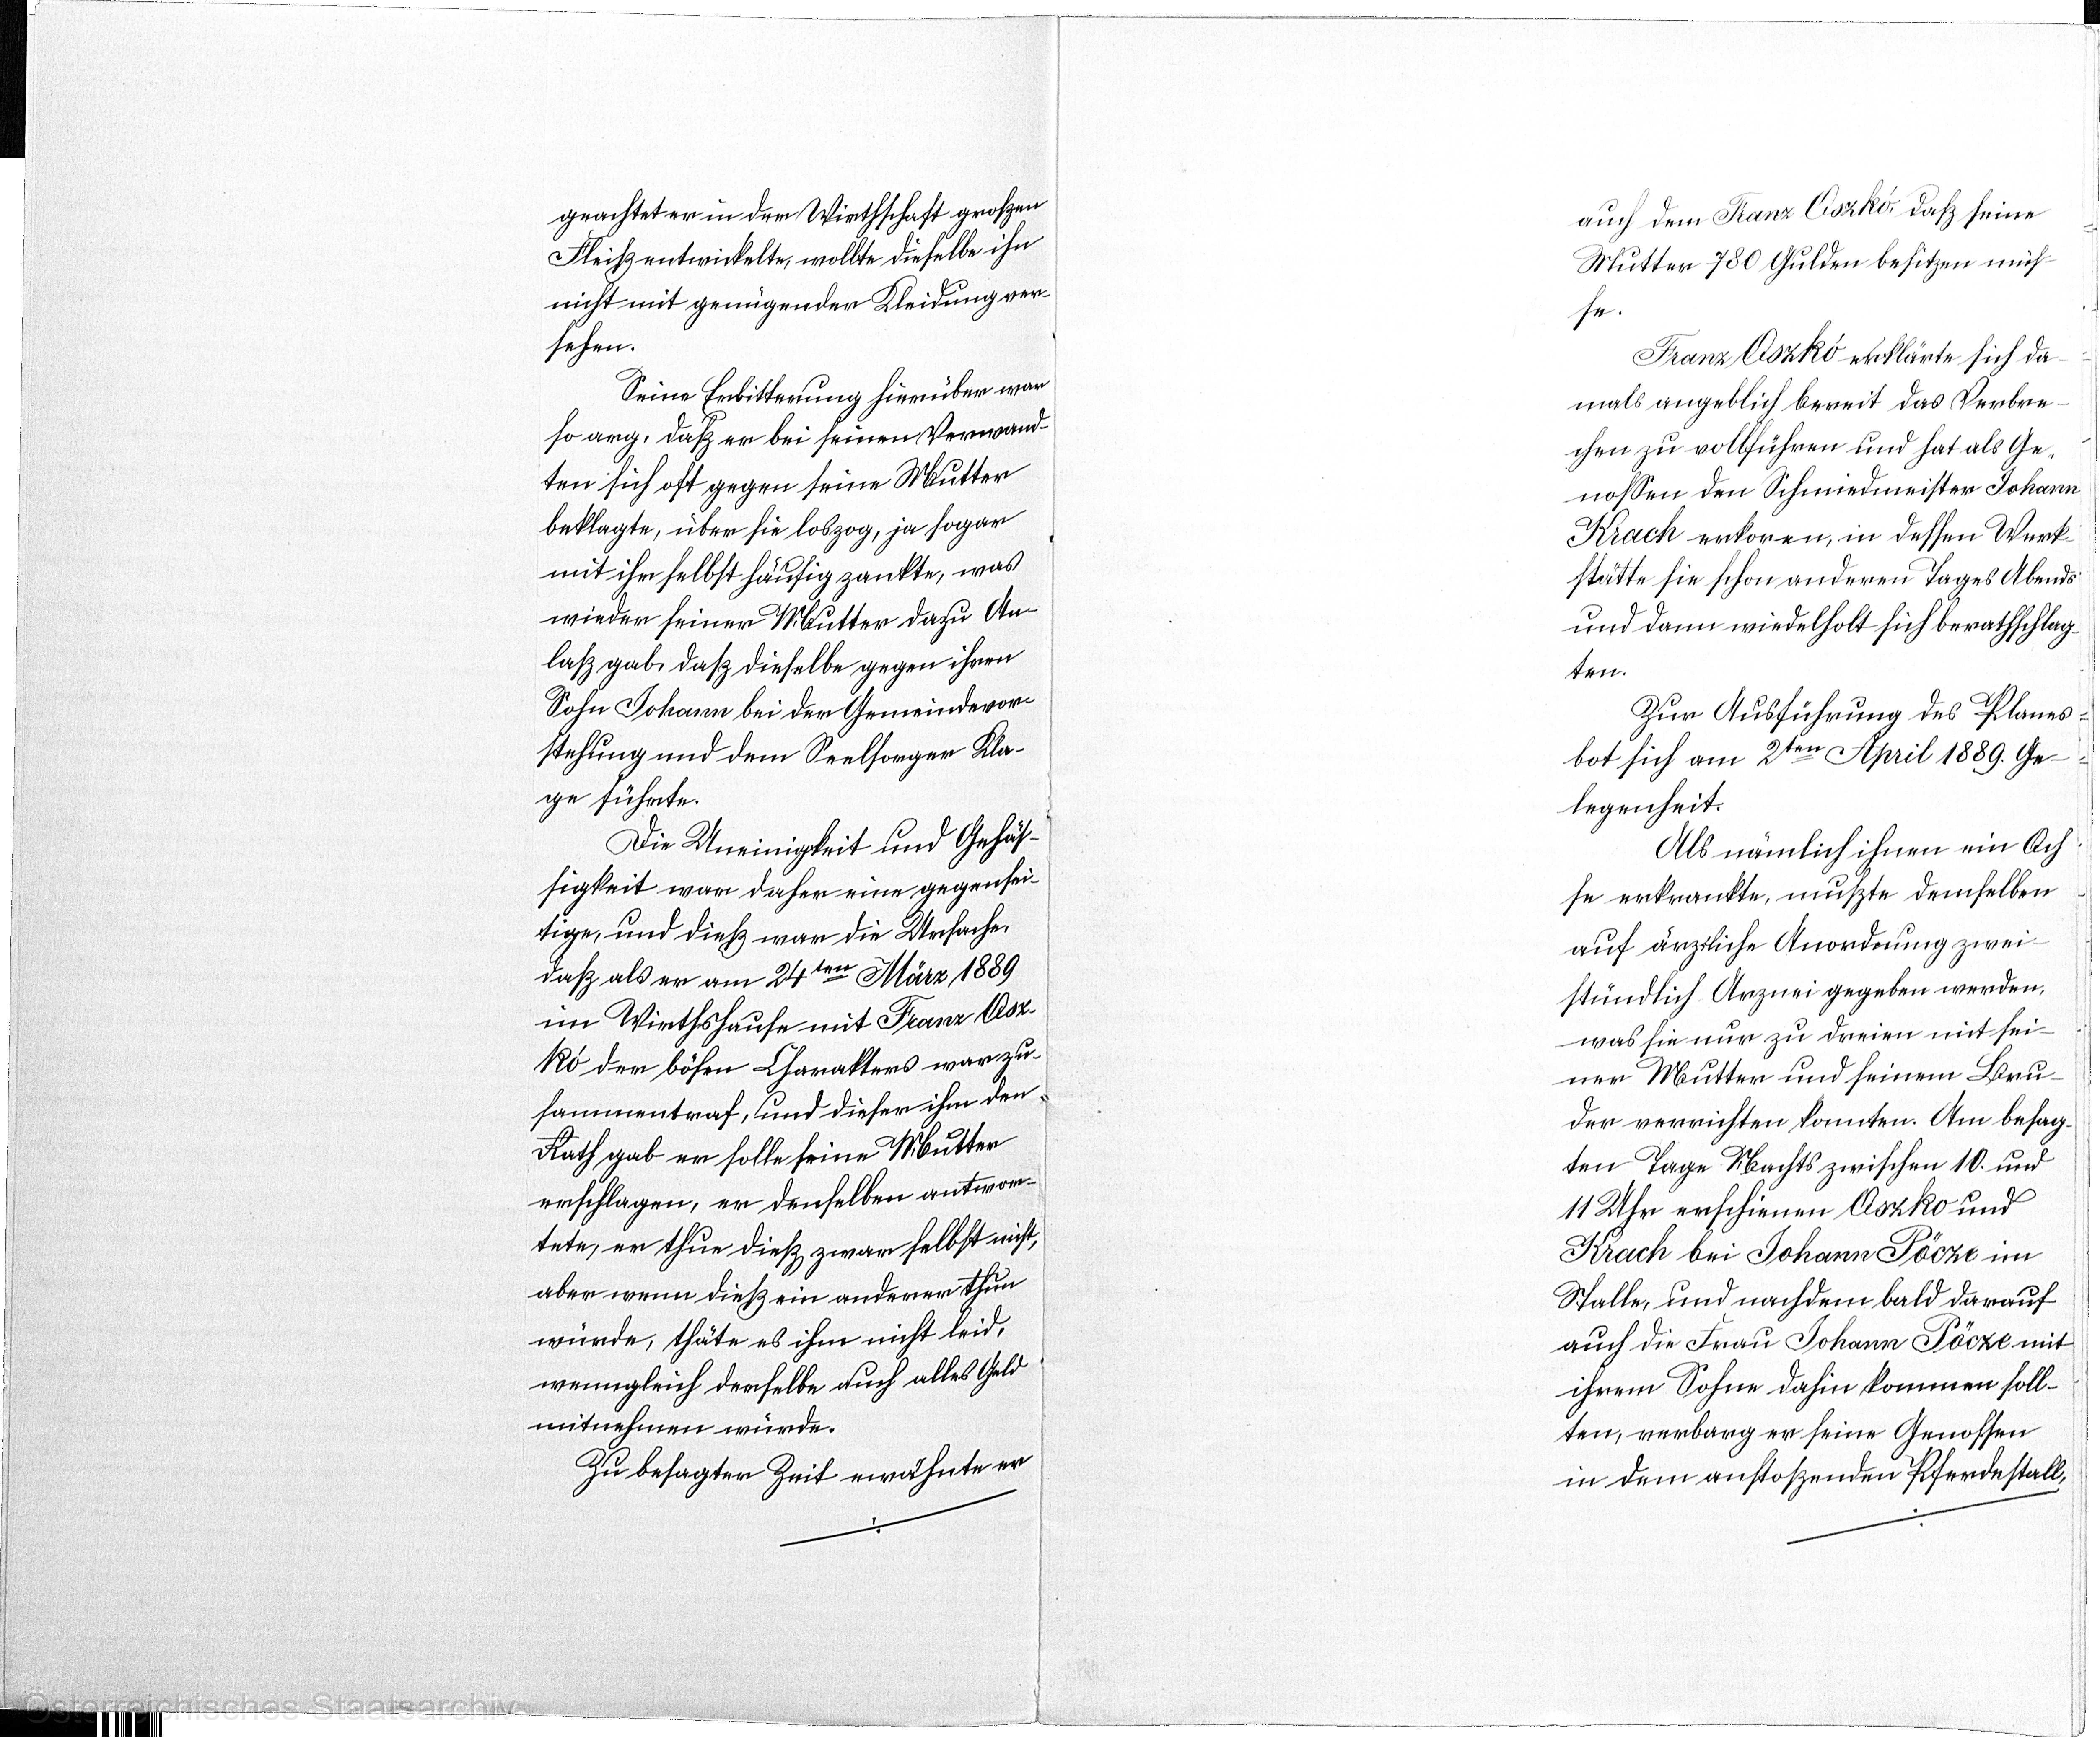geachtet er in der Wirtschaft großen
Fleiß entwickelte, wollte dieselbe ihn
nicht mit genügender Kleidung ver¬
sehen.
Seine Erbitterung hierüber war
so arg, daß er bei seinen Verwand¬
ten sich oft gegen seine Mutter
beklagte, über sie loszog, ja sogar
mit ihr selbst häufig zankte, was
wieder seiner Mutter dazu An¬
laß gab, das dieselbe gegen ihren
Sohn Johann bei der Gemeindevor¬
stehung und dem Seelsorger Kla¬
ge führte.
Die Uneinigkeit und Gehäs¬
sigkeit war daher eine gegensei¬
tige, und dieß war die Ursache,
daß als er am 24ten März 1889
im Wirtshause mit Franz Osz¬
kó, der bösen Charakters war, zu¬
sammentraf, und dieser ihm den
Rath gab er solle seine Mutter
erschlagen, er denselben antwor¬
tete, er thue dieß zwar selbst nicht
aber wenn dieß ein anderer thun
würde, thäte es ihm nicht leid,
wenngleich derselbe auch alles Geld
mitnehmen würde.
Zu besagten Zeit erwähnte er
auch dem Franz Oszkó, daß seine
Mutter 780 Gulden besitzen müs¬
se.
Franz Oszkó erklärte sich da¬
mals angeblich bereit das Verbre¬
chen zu vollführen und hat als Ge¬
noßen den Schmiedmeister Johann
Krach erkoren, in dessen Werk¬
stätte sie schon anderen Tages Abends
und dann wiedelholt sich berathschag¬
ten.
Zur Ausführung des Planes
bot sich am 2ten April 1889 Ge¬
legenheit.
Als nämlich ihnen ein Och¬
se erkrankte, mußte demselben
auf ärztliche Anordnung zwei¬
stündlich Arznei gegeben werden,
was sie nur zu dreien mit sei¬
ner Mutter und seinem Bru¬
der verrichten konnten. Am besag¬
ten Tage Nachts zwischen 10 und
11 Uhr erschienen Oszko und
Krach bei Johann Pöcze im
Stalle, und nachdem bald darauf
auch die Frau Johann Pöcze mit
ihrem Sohne dahin kommen soll¬
ten, verbarg er seine Genossen
in dem anstoßenden Pferdestall,